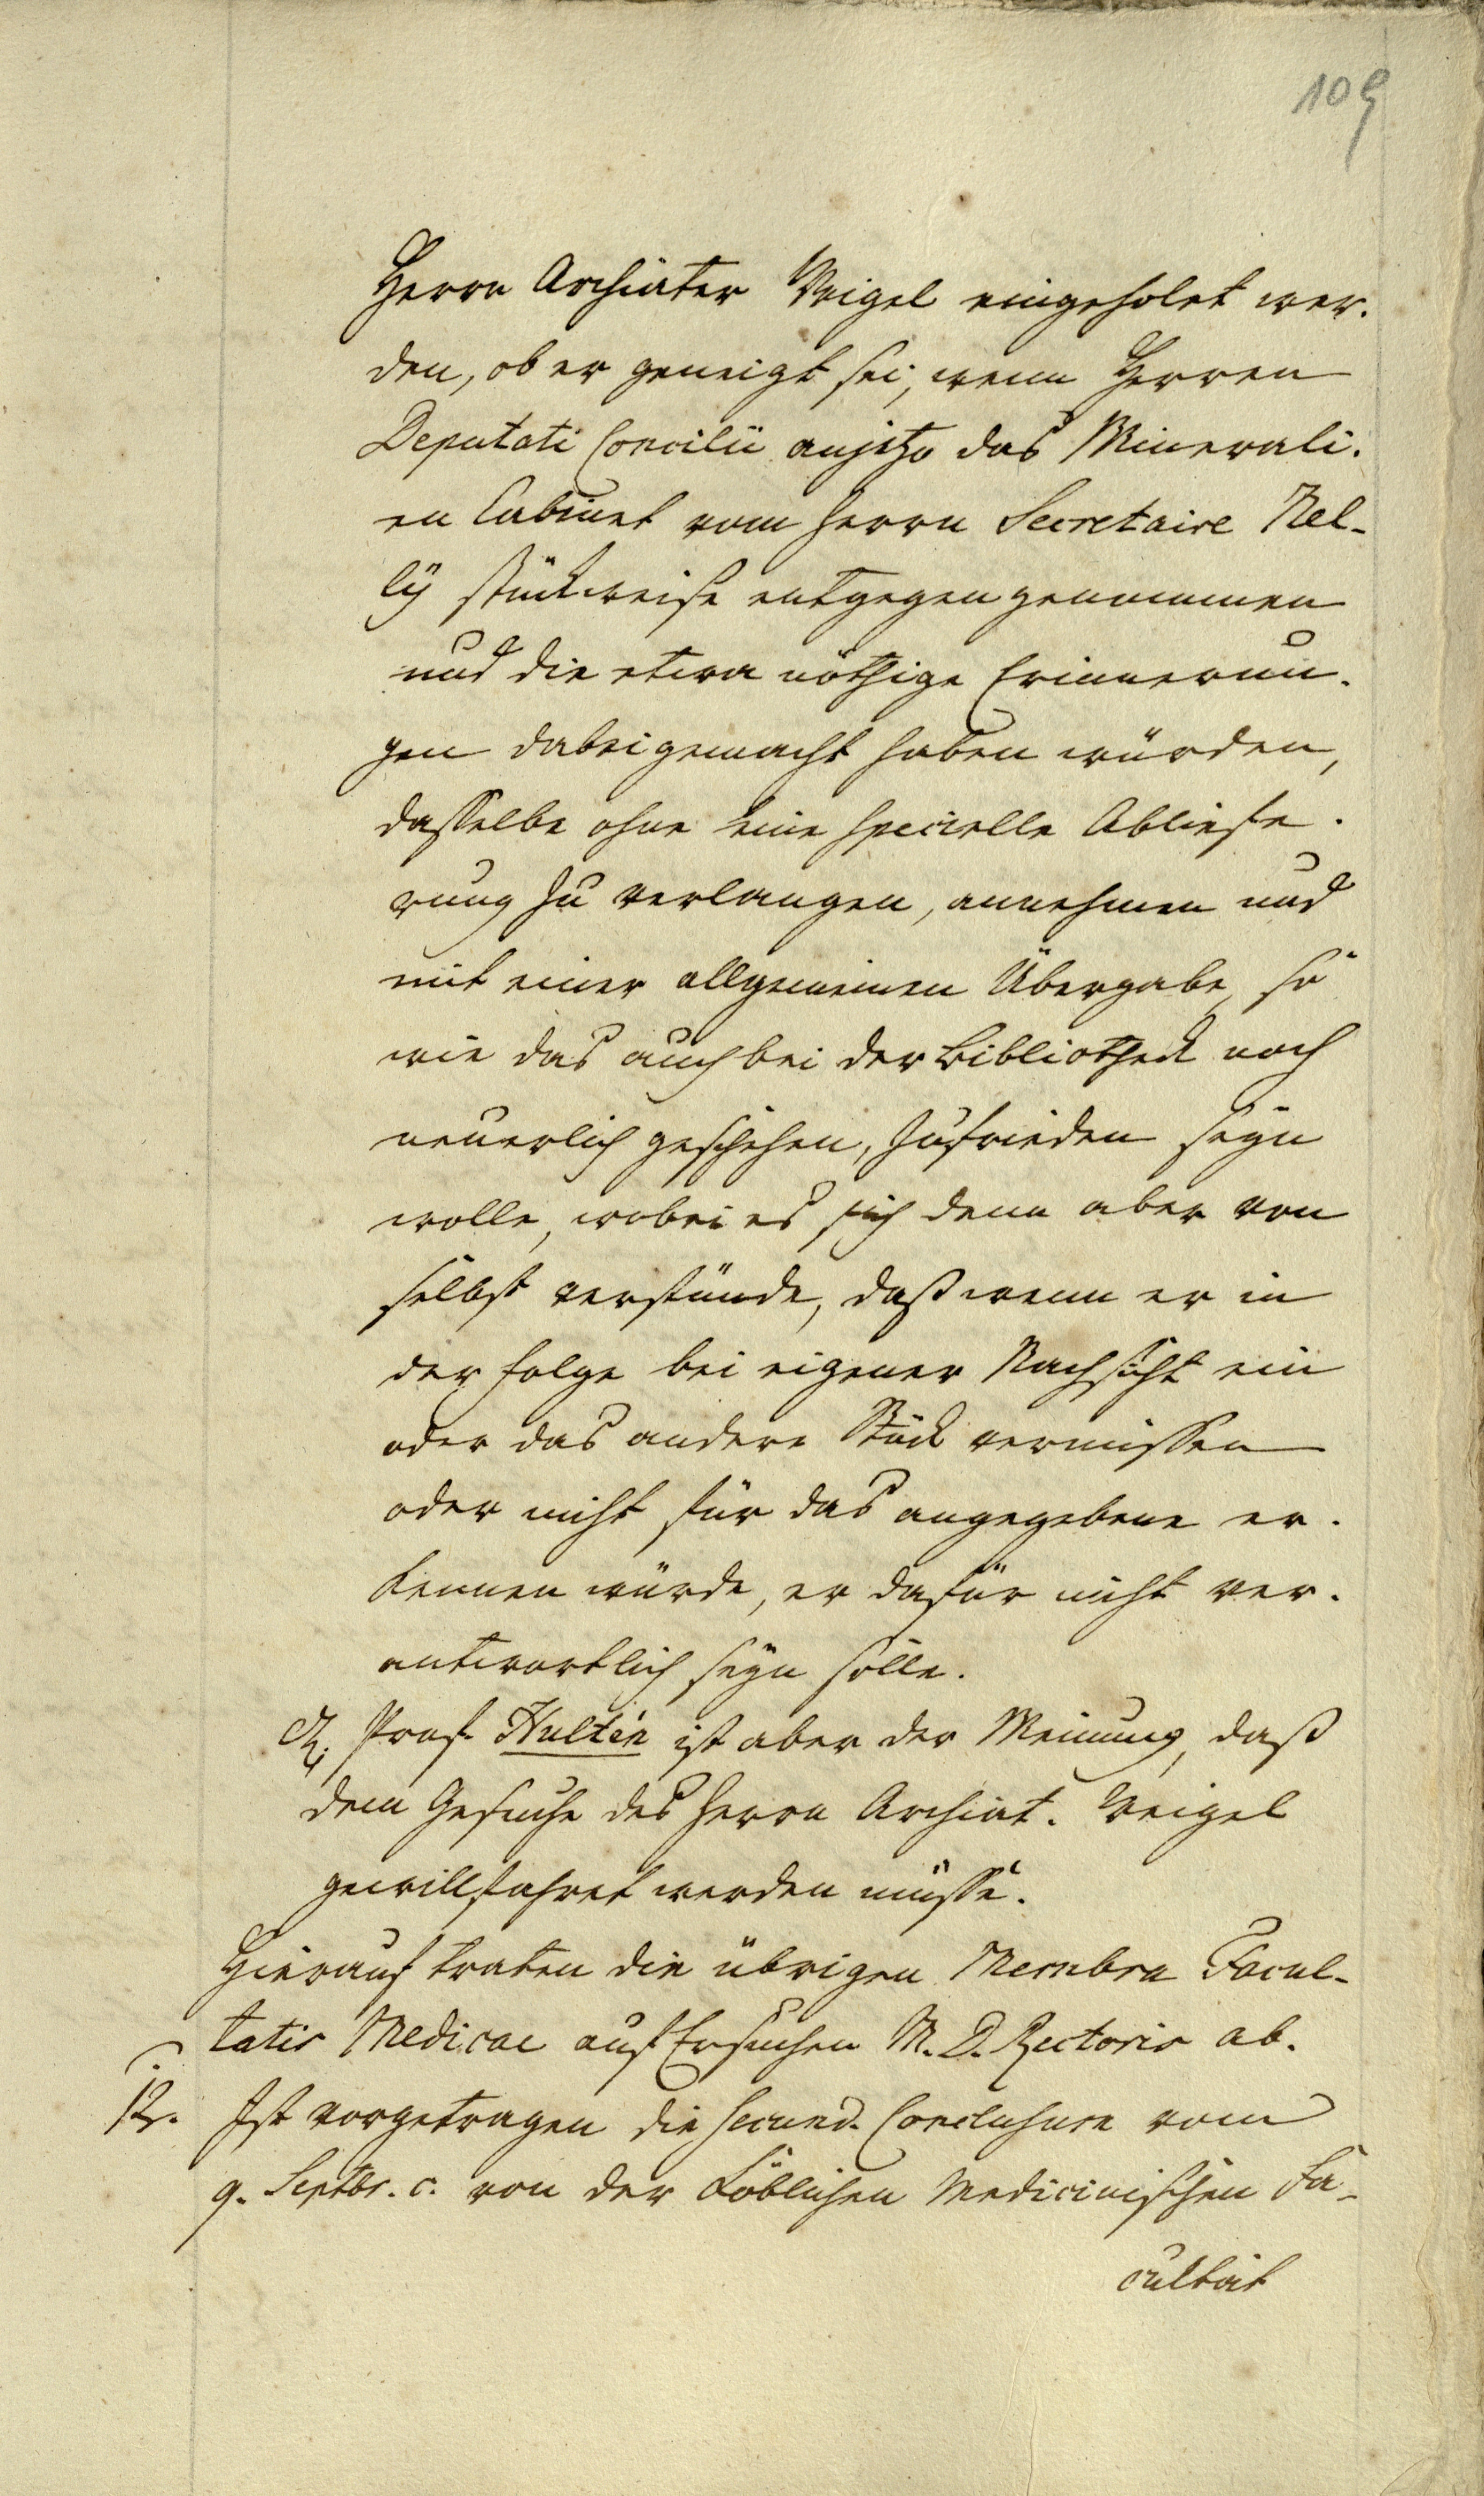Herrn Archiater Weigel eingeholet wer¬
den, ob er geneigt sei, wenn Herren
Deputati Concilii anjetzo das Minerali¬
ein Cabinet vom Herrn Secretaire Nel¬
lÿ stückweise entgegen genommen
und die etwa nöthige Erinnerun¬
gen dabeigemacht haben würden,
dasselbe ohne eine specielle Abliefe¬
rung zu verlangen, annehmen und
mit einer allgemeinen Übergabe, so
wie das auch bei der Bibliotheck noch
neuerlich geschehen, zufrieden seÿn
wolle, wobei es sich denn aber von
selbst verstünde, daß wenn er in
der Folge bei eigener Nachsicht ein
oder das andere Stück vermissen
oder nicht für das angegebene er¬
kennen würde, er dafür nicht ver¬
antwortlich seÿn solle.
dh. Prof. Hultén ist aber der Meinung, daß
dem Gesuche des Herrn Archiat. Weigel
gewillfahret werden müsse.
Hierauf traten die übrigen Membra Facul¬
tatis Medicae auf Ersuchen M. D. Rectoris ab.
12. Ist vorgetragen die secund. Conclusum vom
9. Septbr. c. von der Löblichen Medicinischen Fa¬
cultät